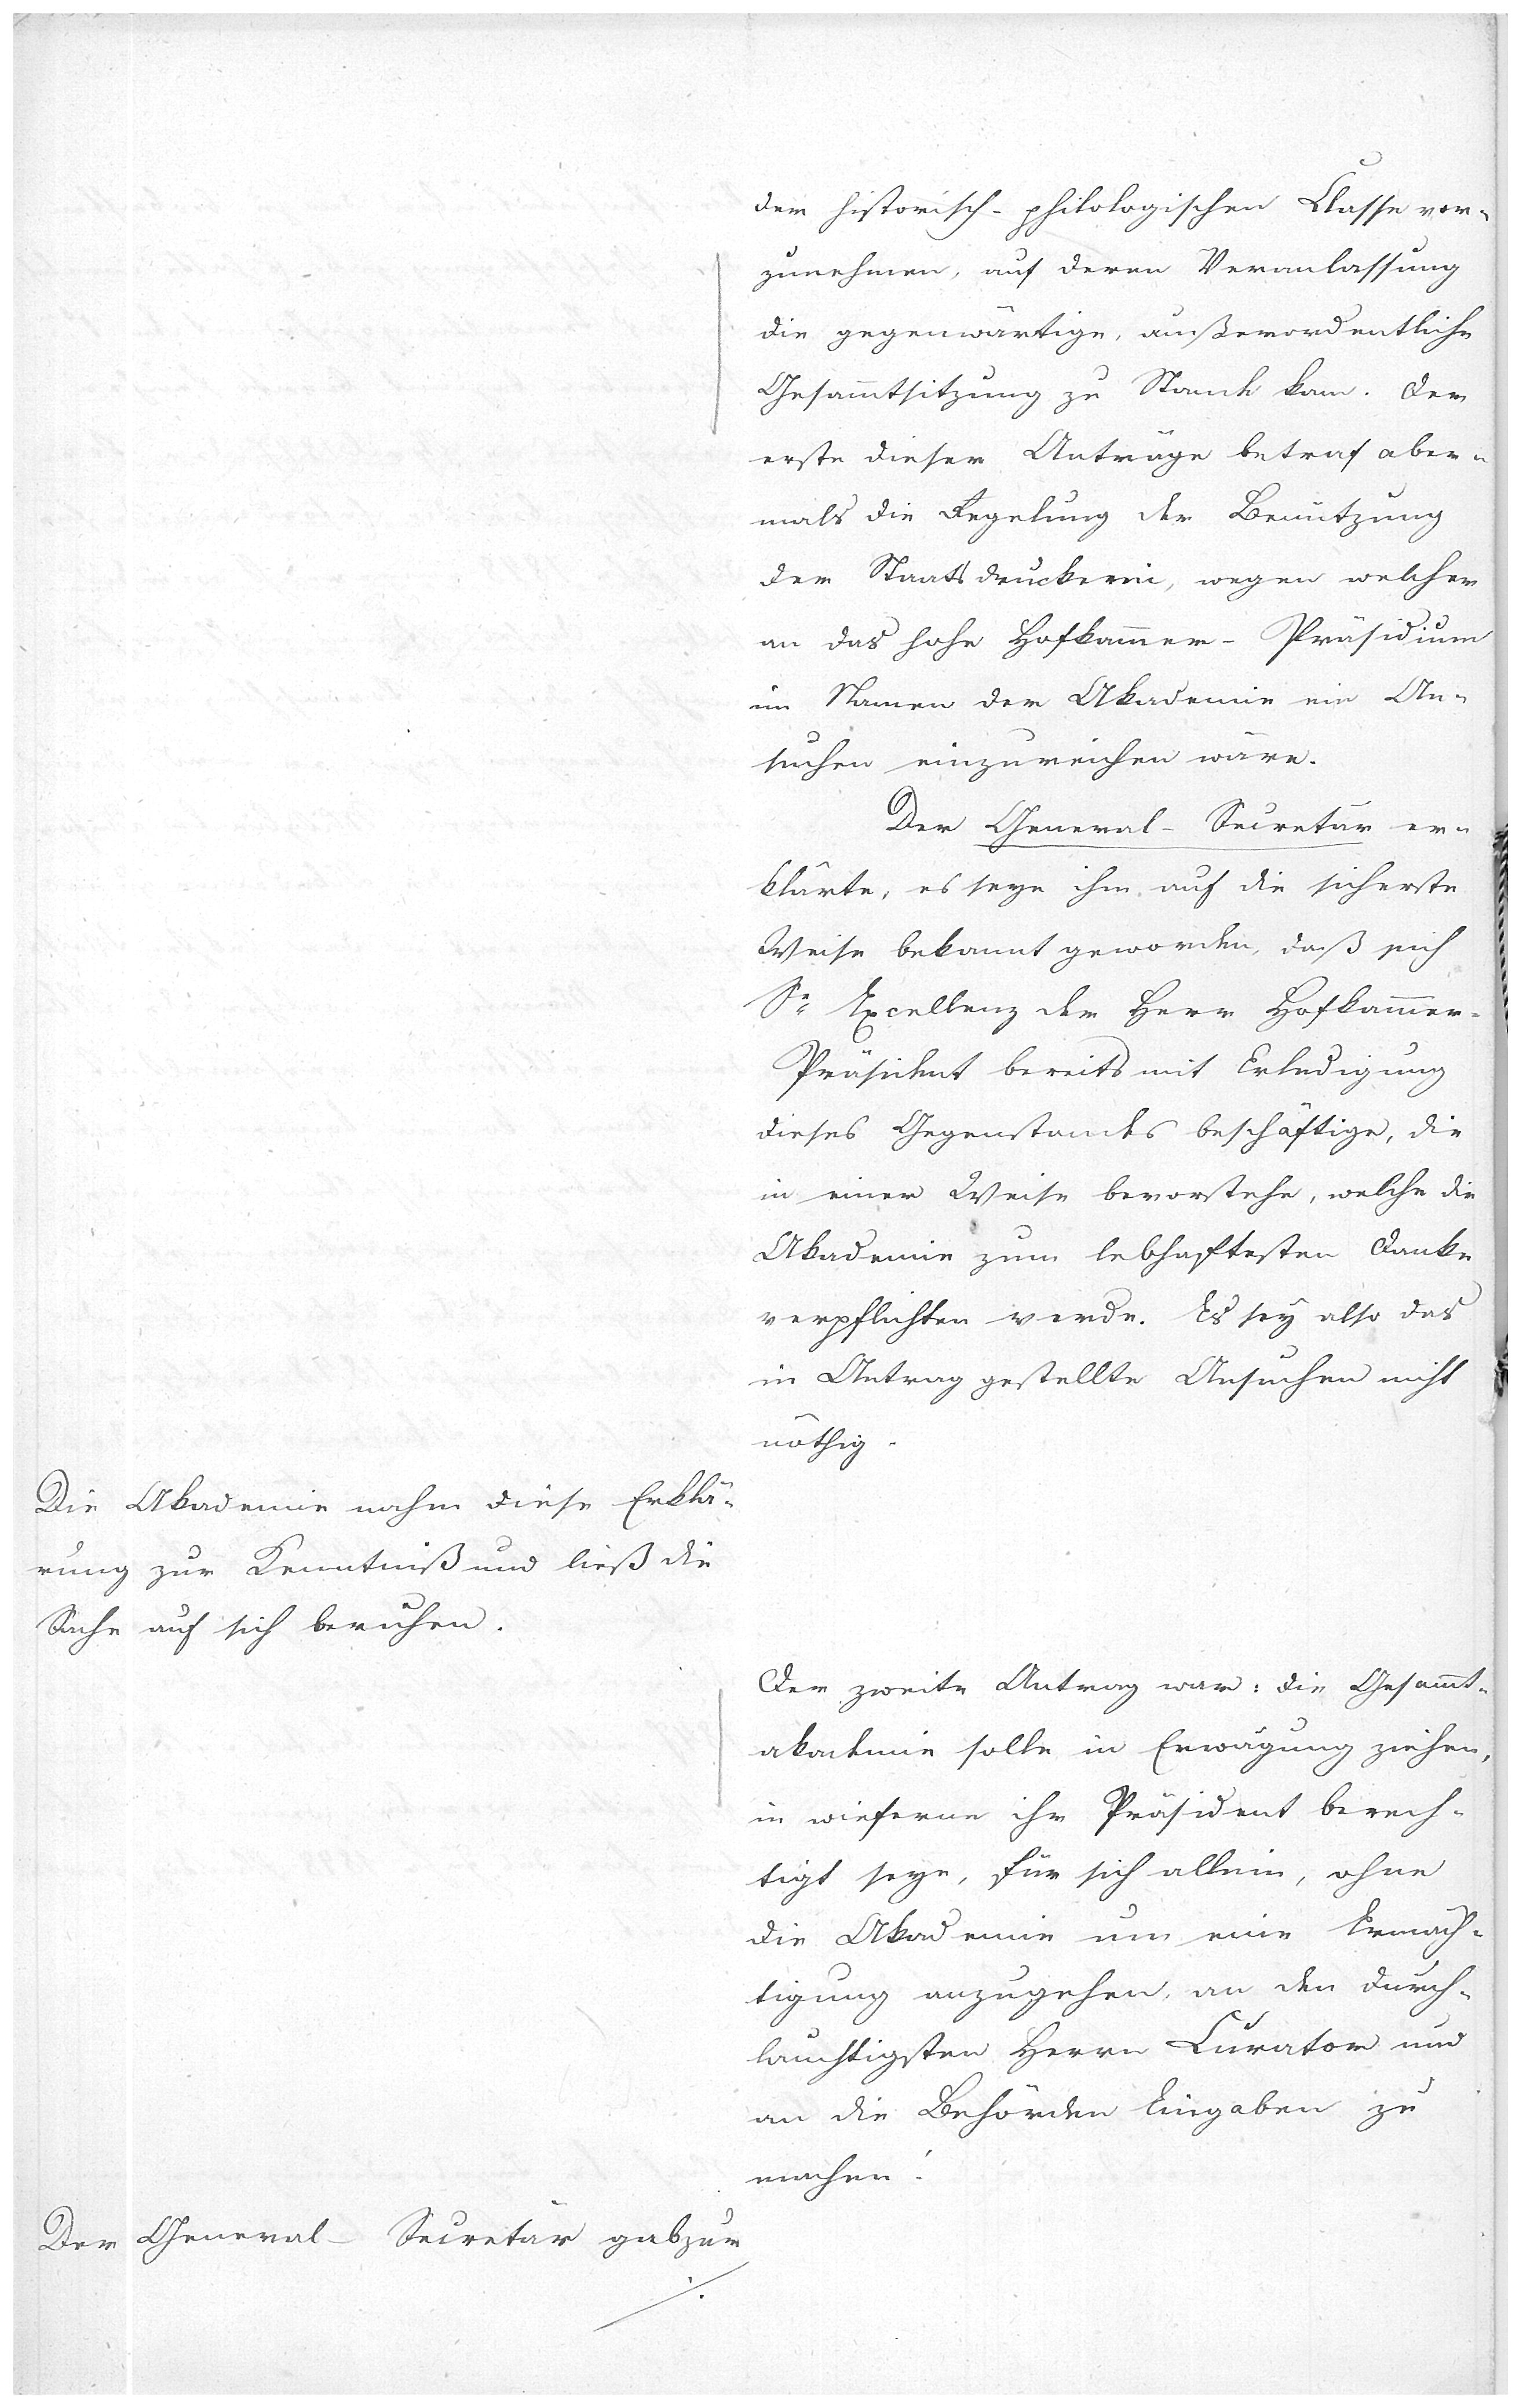der historisch-philologischen Classe vor-
zunehmen, auf deren Veranlassung
die gegenwärtige, außerordentliche
Gesammtsitzung zu Stande kam. Der
erster dieser Anträge betraf aber-
mals die Regelung der Benützung
der Staatsdruckerei, wegen welcher
an das hohe Hofkammer-Präsidium
im Namen der Akademie ein An-
suchen einzureichen wäre
Der General-Secretär er-
klärte, es seye ihm auf die sicherste
Weise bekannt geworden, daß sich
Sr. Excellenz der Herr Hofkammer-
Präsident bereits mit Erledigung
diese Gegenstands beschäftige, die
in einer Weise bevorstehe, welche die
Akademie zum lebhaftesten Dank
verpflichten werde. Es sey also das
im Antrag gestellte Ansuchen nicht
nöthig.
Die Akademie nahm diese Erklä-
rung zur Kenntniß und ließ die
Sache auf sich beruhen.
Der zweite Antrag war: die Gesammt-
Akademie solle in Erwägung ziehen,
in wieferne ihr Präsident berech-
tigt seye, für sich allein, ohne
die Akademie um eine Ermäch-
tigung anzusehen, an den Durch-
lauchtigsten Herrn Curator und
an die Behörden Eingaben zu
machen.
Der General-Secretär gab zur